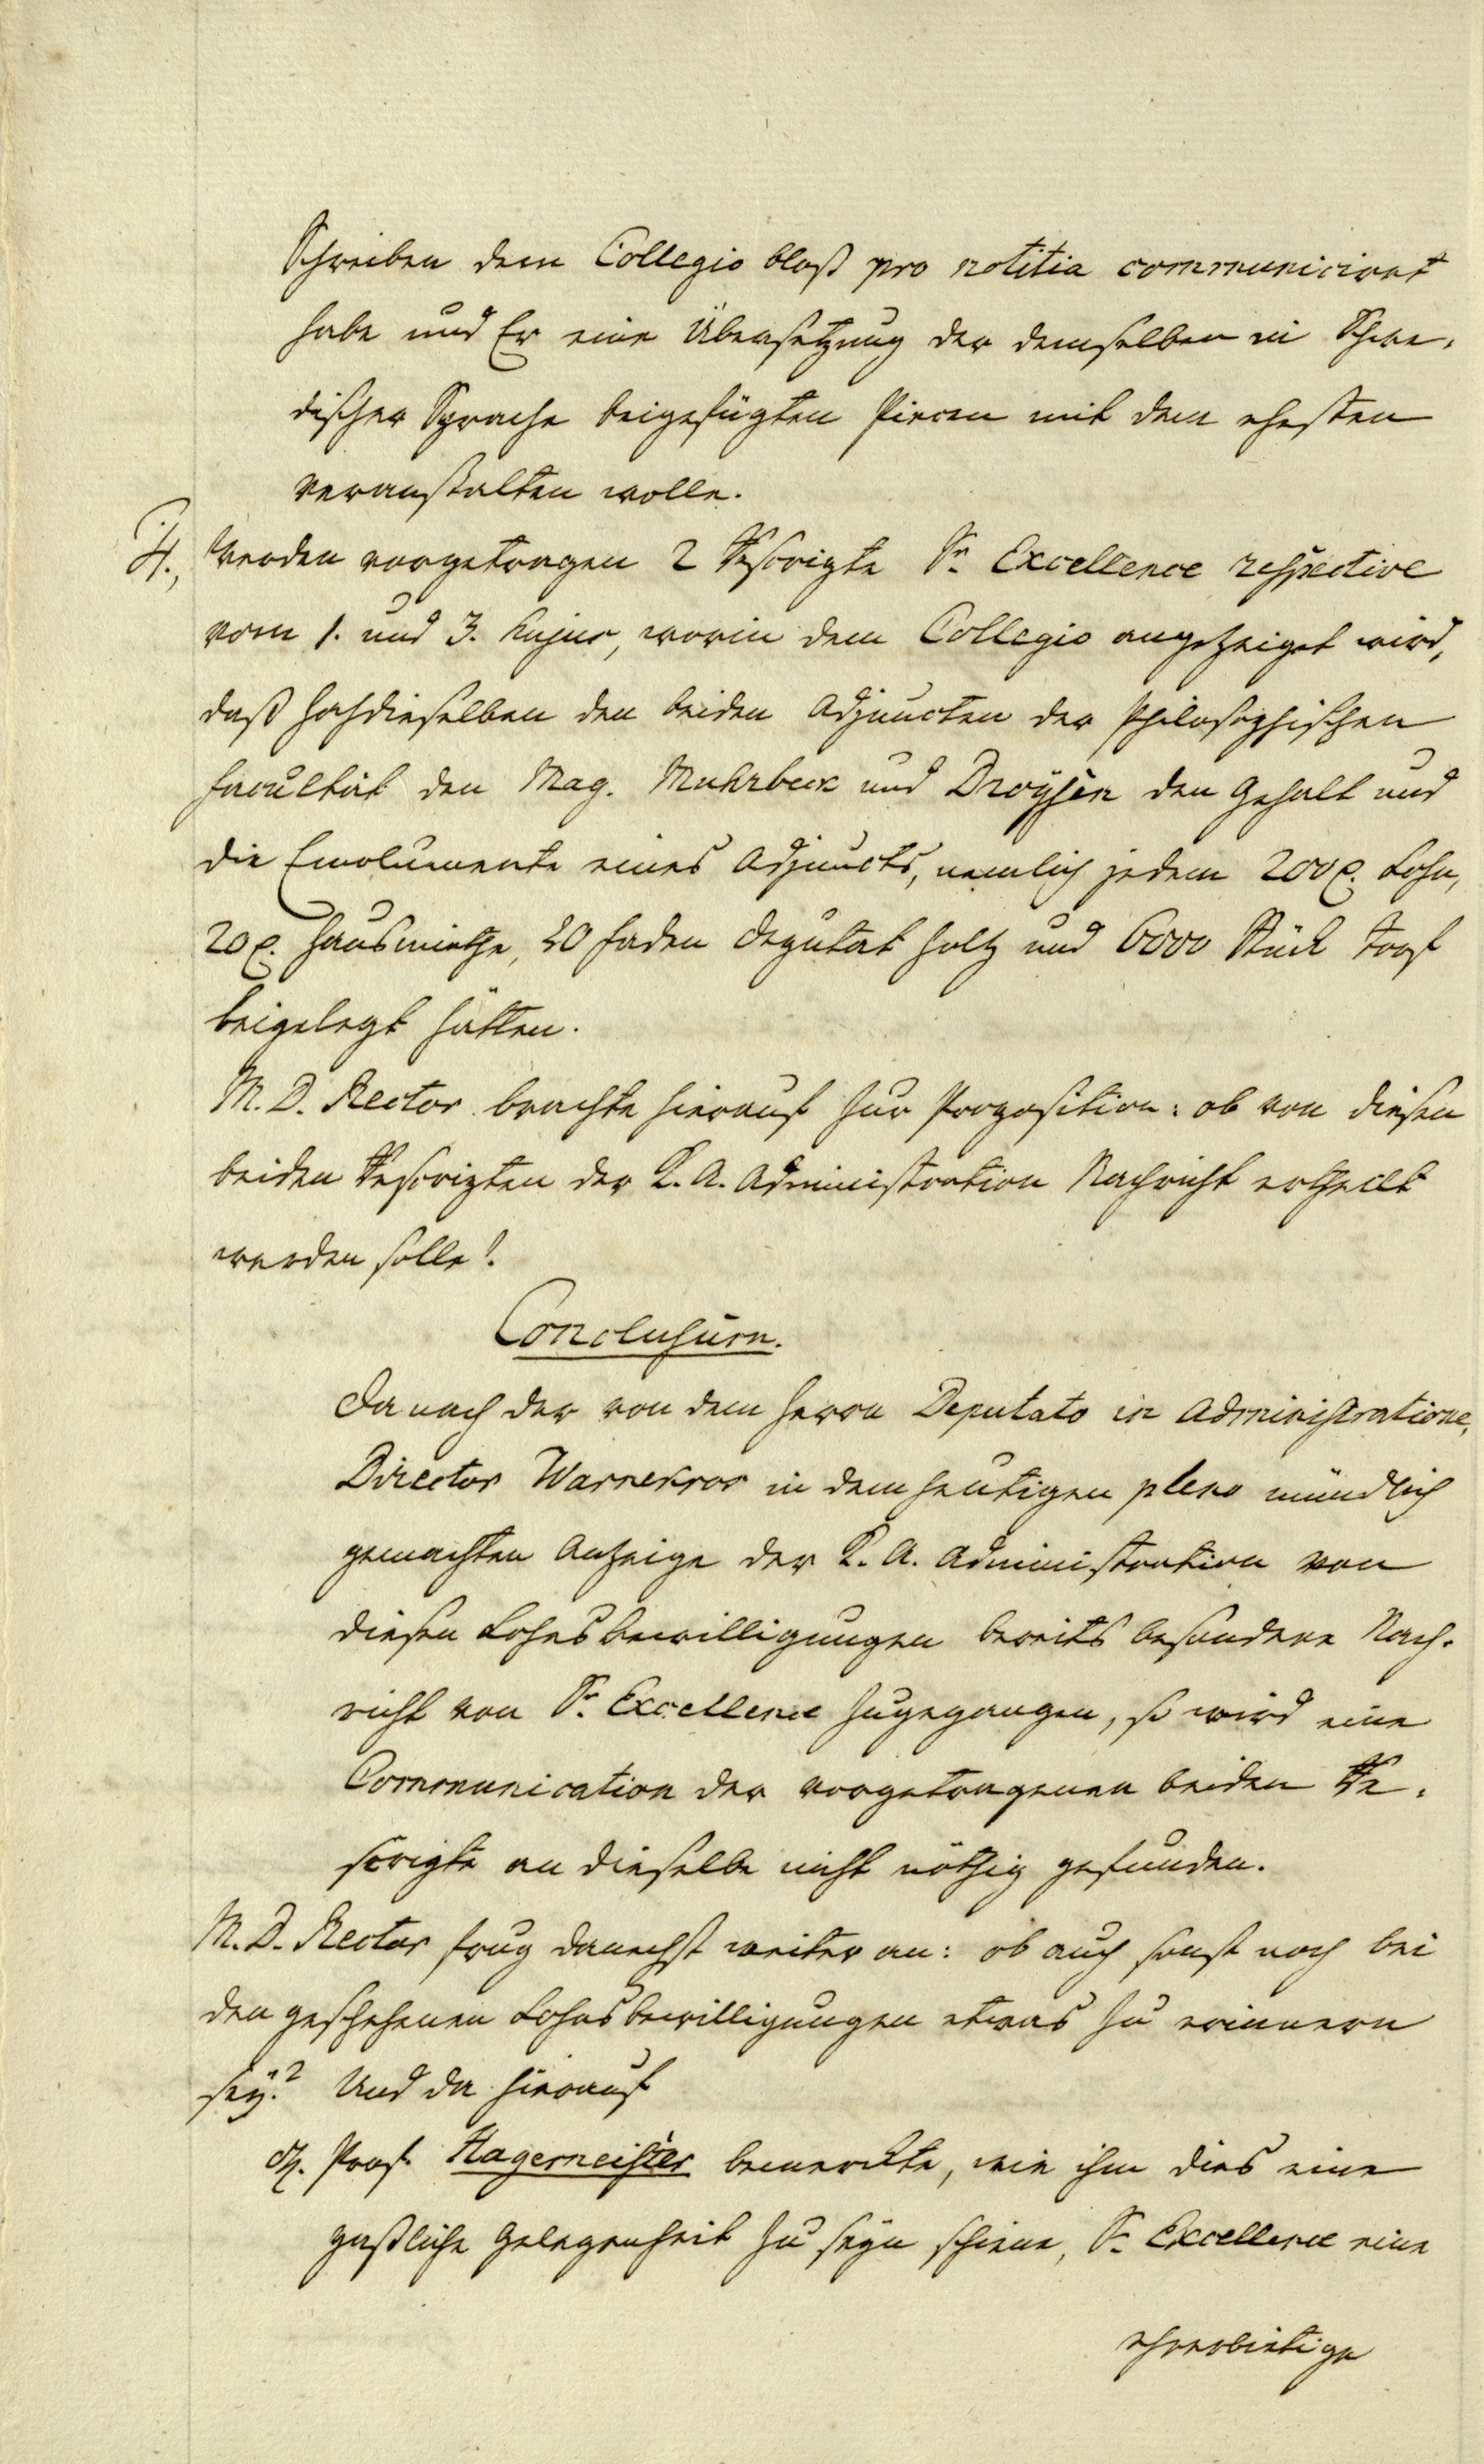Schreiben dem Collegio bloß pro notitia communiciret
habe und Er eine Übersetzung der demselben in Schwe¬
discher Sprache beigefügten Piecen mit dem ehesten
veranstalten wolle.
4., Werden vorgetragen 2 Rescripte Sr. Excellence respective
vom 1. und 3. hujus, worin dem Collegio angezeiget wird,
daß hochdieselben den beiden Adjuncten der Philosophischen
Facultät den Mag. Muhrbeck und Droÿsen den Gehalt und
die Emolumente eines Adjuncts, nemlich jedem 200 l. Lohn,
20 l. hausmiethe, 20 Faden Deputat holz und 6000 Stück Torf
beigelegt hätten.
M. D. Rector brachte hierauf zur Proposition: ob von diesen
beiden Rescripten der K. A. Administration Nachricht ertheilt
werden solle!
Conclusum
Da nach der von dem herrn Deputato in Administratione,
Director Warnekros in dem heutigen pleno mündlich
gemachten Anzeige der K. A. Administration von
diesen Lohnsbewilligungen bereits besondere Nach¬
richt von Sr. Excellence zugegangen, so wird eine
Communication der vorgetragenen beiden Re¬
scripte an dieselbe nicht nöthig gefunden.
M. D. Rector frug danechst weiter an: ob auch sonst noch bei
den geschehenen Lohnsbewilligungen etwas zu erinnern
seÿ? Und da hierauf
dh. Prof. Hagemeister bemerckte, wie ihm dies eine
paßliche Gelegenheit zu seÿn schiene, Sr. Excellence eine
ehrerbietige